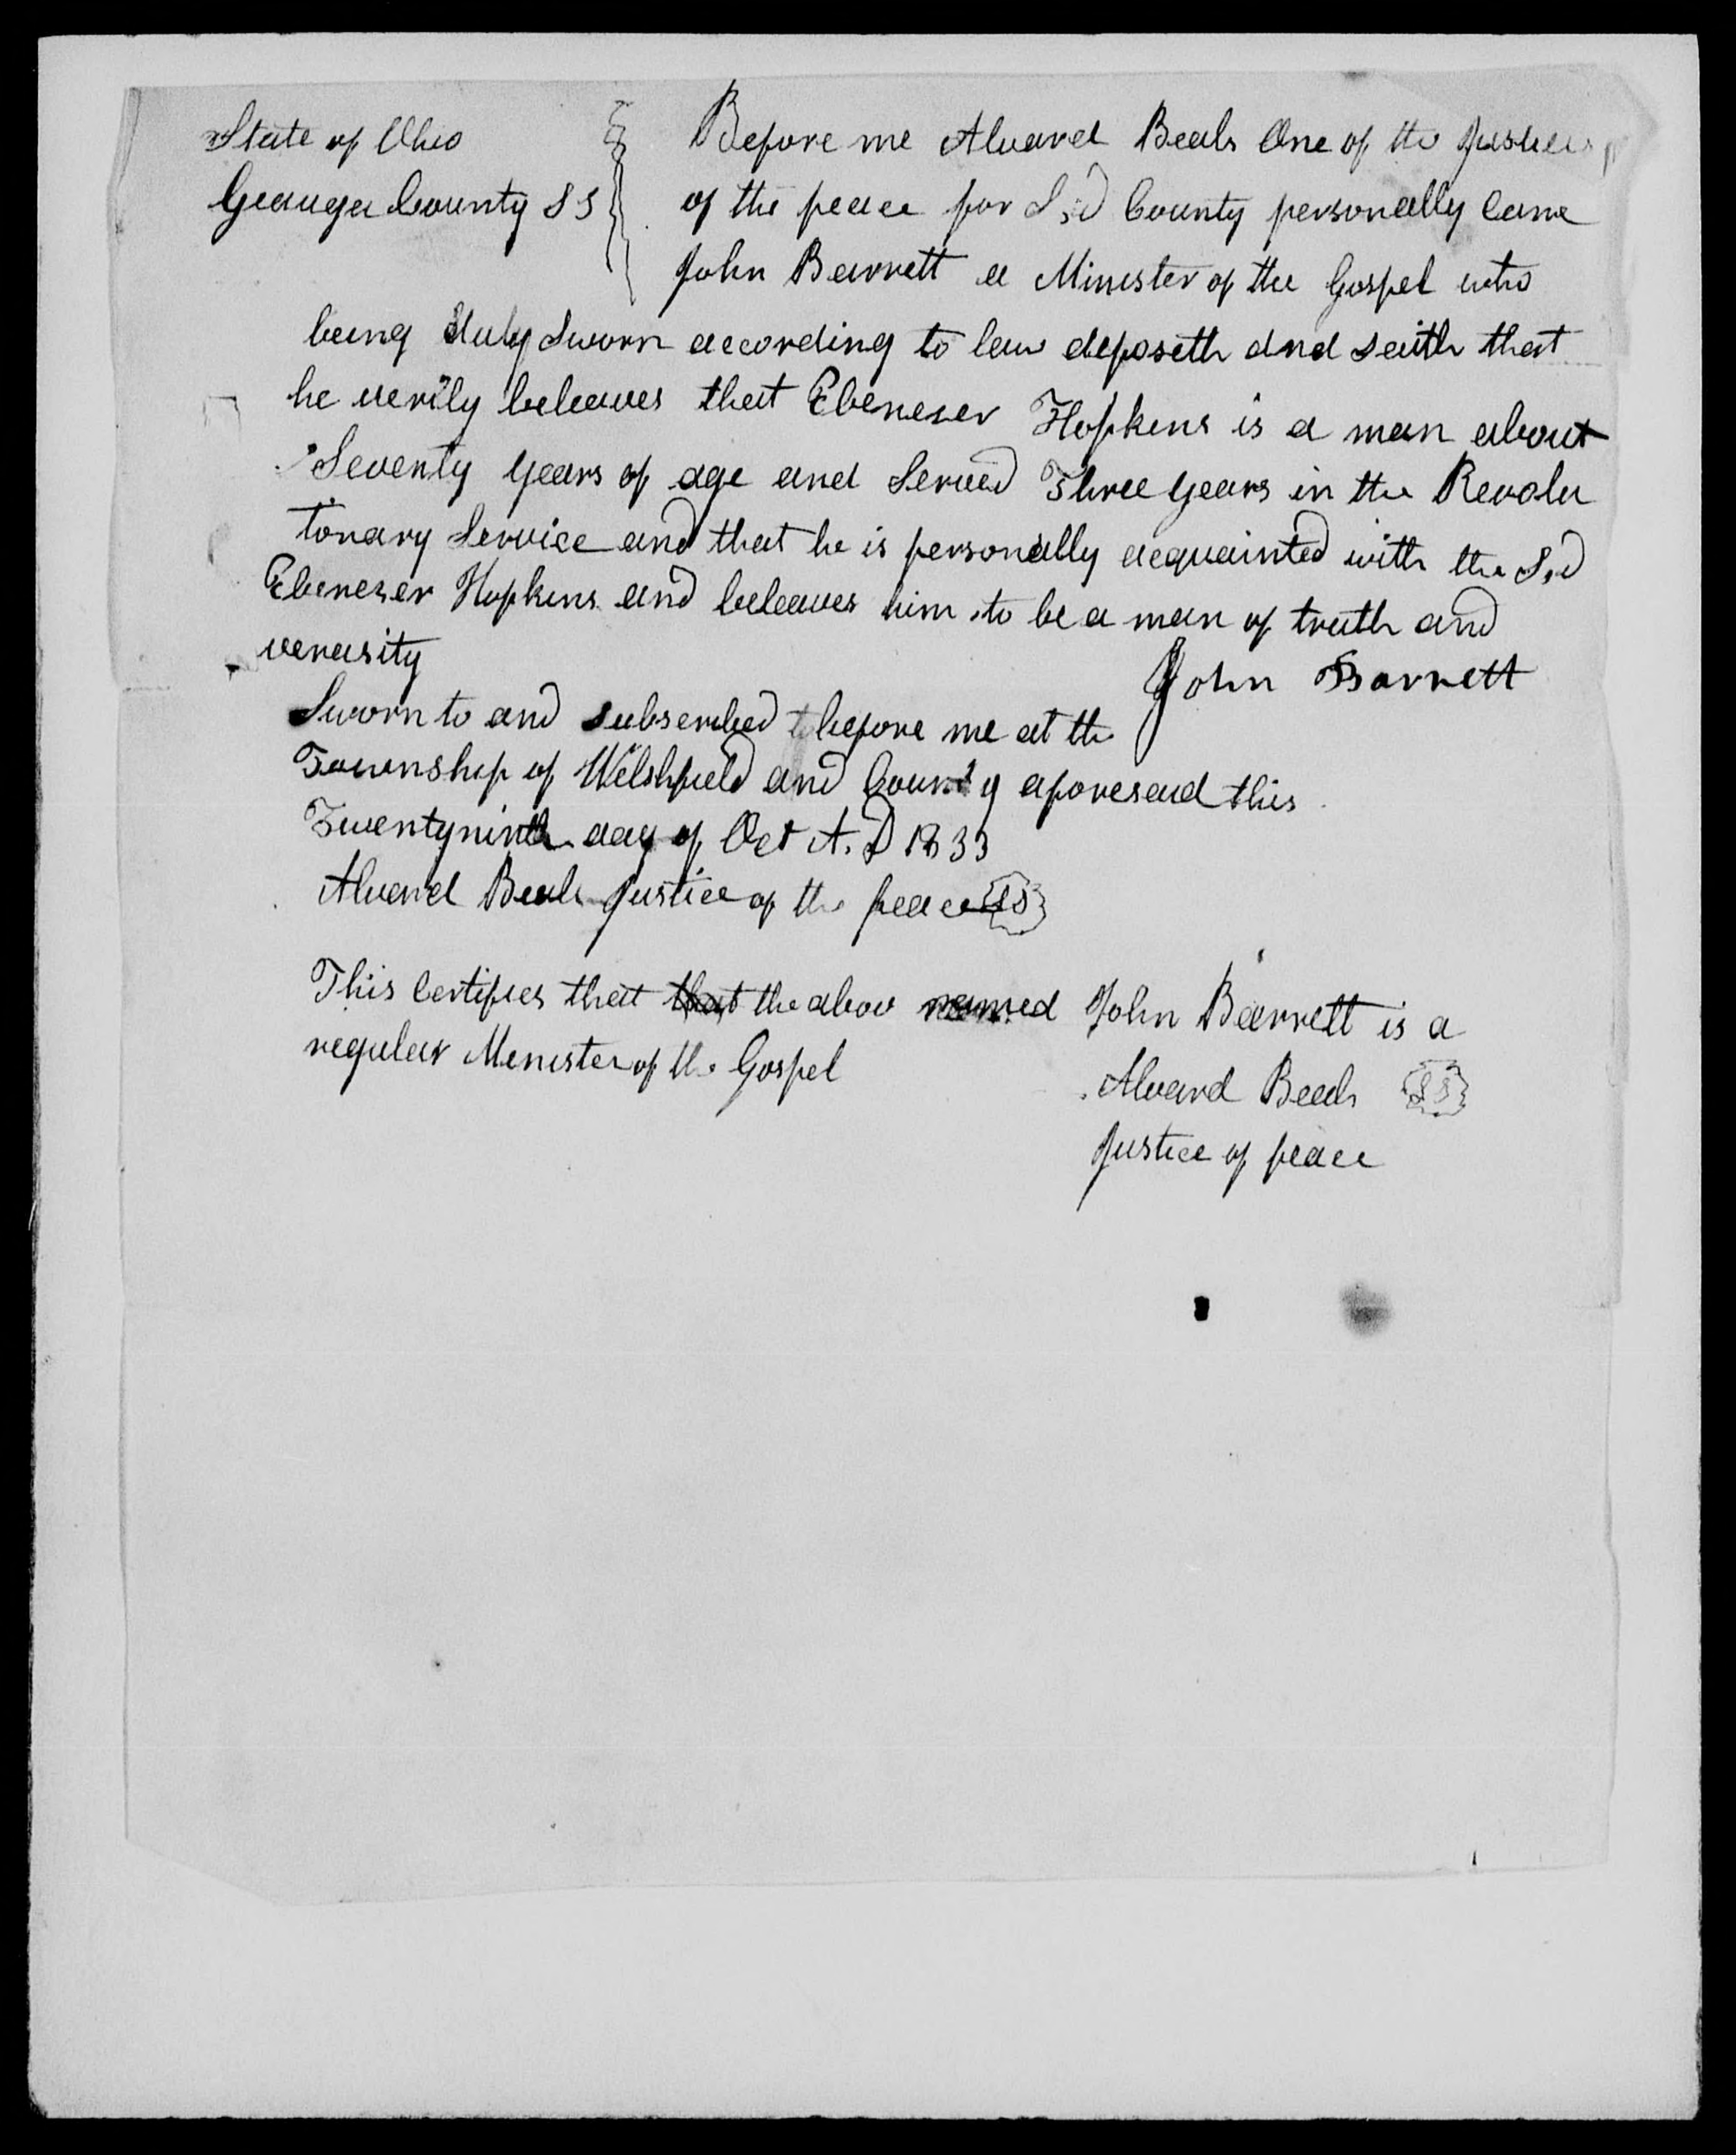State of Ohio }
Geauga County } SS  Before me Alvand Beals One of the Justices of the peace for said County personally came John Barnett a Minister of the Gospel who being duly sworn according to law deposeth and saith that he verily believes that Ebenezer Hopkins is a man about Seventy years of age and served Three years in the Revolutonary service and that he is personally acquainted with the sd
Ebenezer Hopkins and believes him to be a man of truth and verasity 
John Barrett
Sworn to and subscribed to before me at the Township of Welshfield and County
aforesaid this Twenty ninth day of Nov 1833
Alvand Beale Justice of the peace
-
This certifies that that the above named John Barnett is a regular Minister of the Gospel
Alvand Beale SS
Justice of peace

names: John Barrett, Ebenezer Hopkins, Aluavel Beals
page: 103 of 144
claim: rejected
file: R. 5208, Dennis Hopkins, N.C.